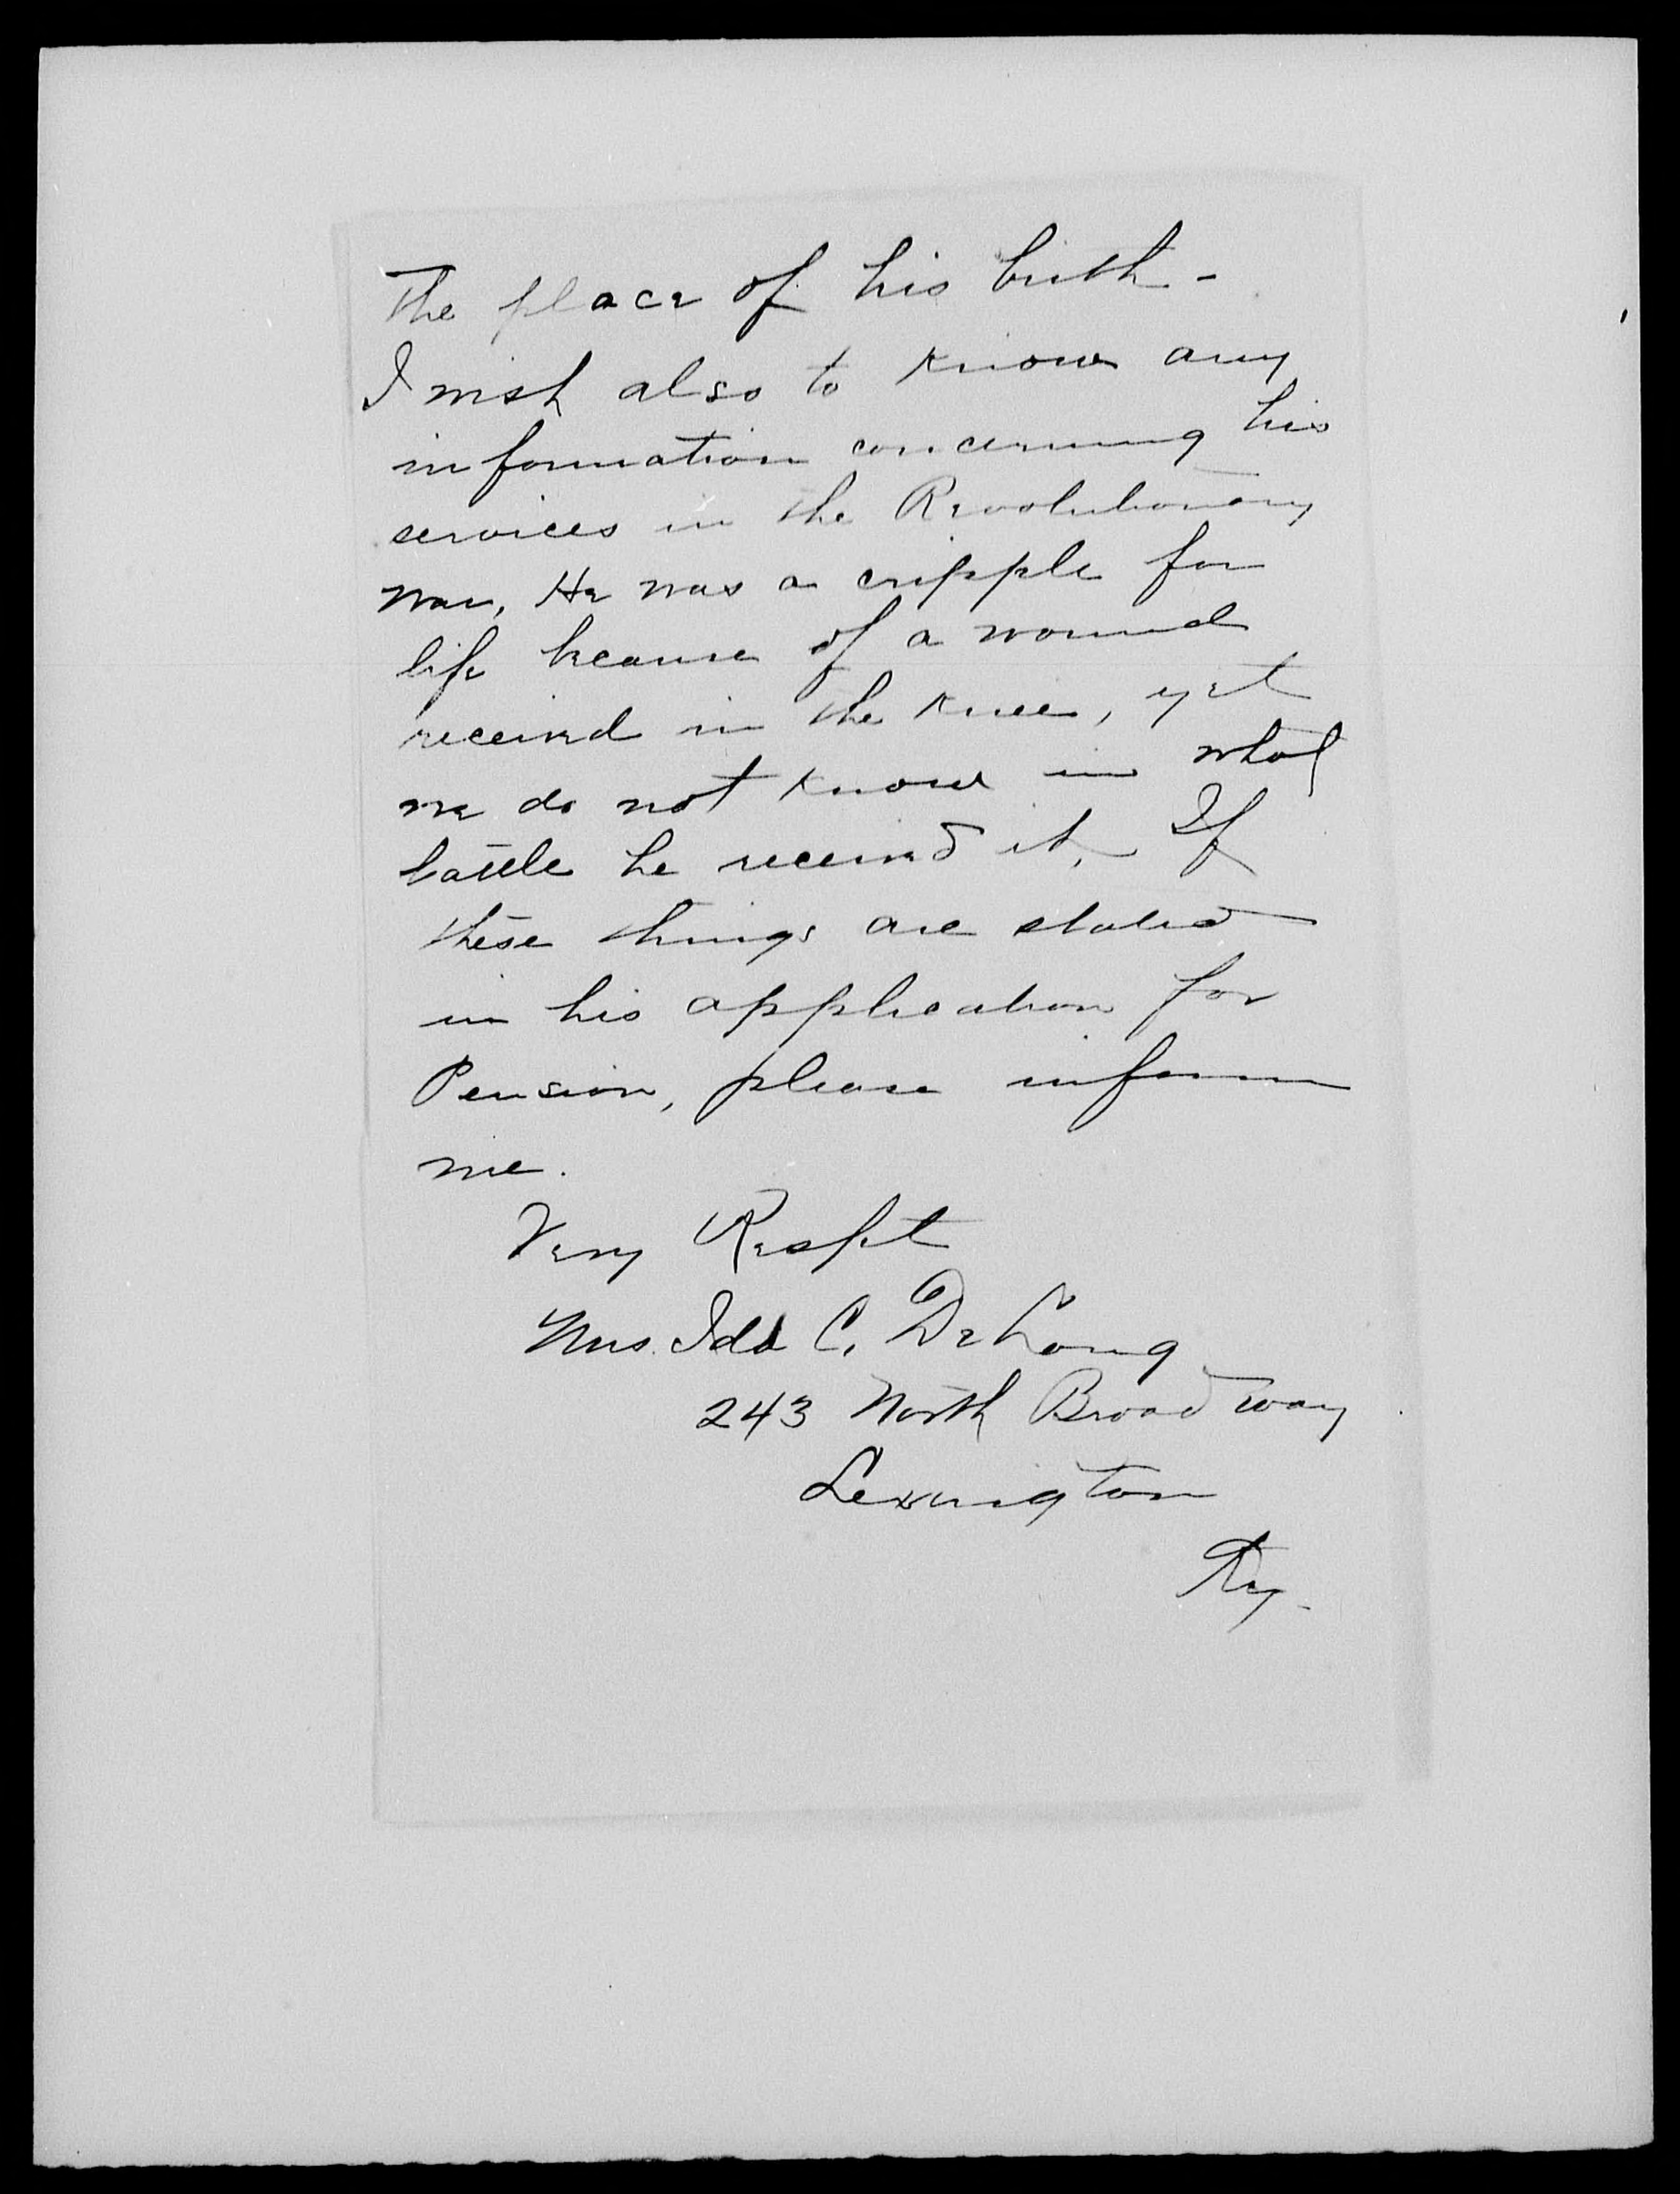the place of his birth-
I wish also to know any
information concerning his
services in the Revolutionary 
War. He was a cripple for
life, because of a wound
received in the knee, yet
we do not know in what
battle he received it. If
these things are stated
in his application for
Pension, please inform
me.
Very Respt
Mrs. Ida C. Delong
243 North Broadway
Lexington
Ky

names: Ida C De Long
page: 18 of 26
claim: survivor's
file: S. 34,725, John Curtis, Md.